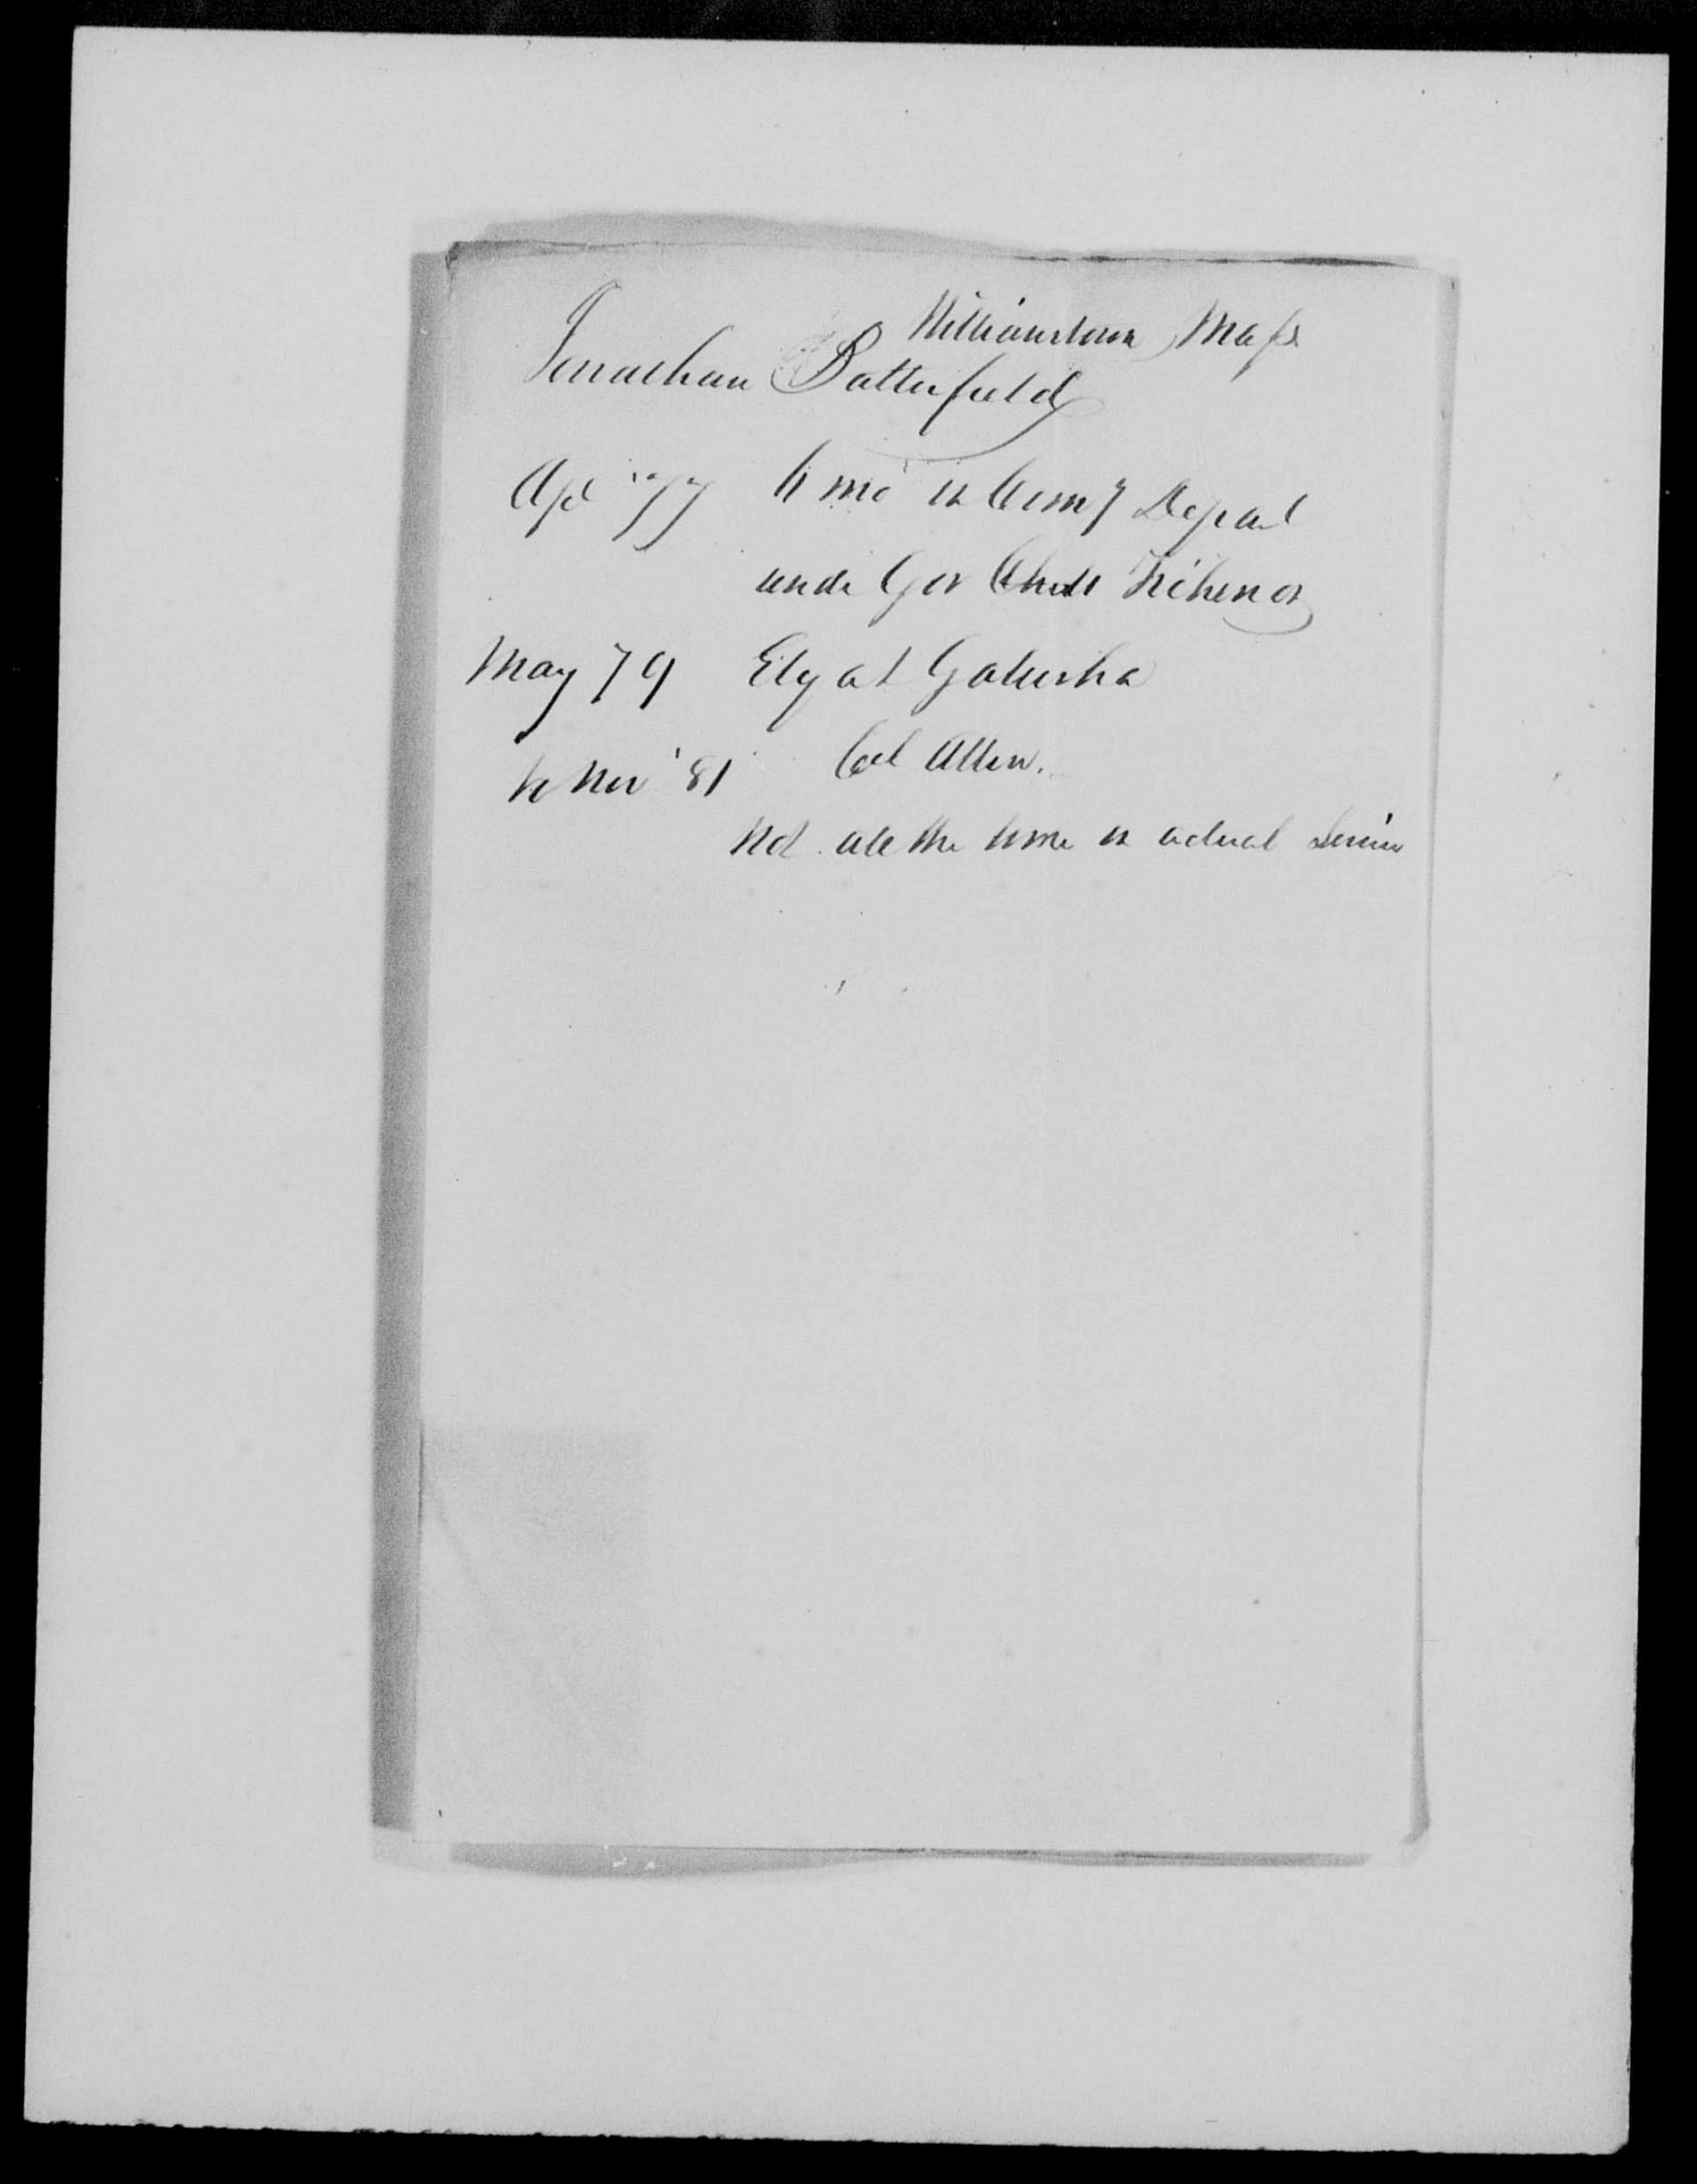Col Allen
Williamstown Mass
Jonathan Batterfield
Apl 1777
to the Camp Depal
and for his Tichenor
May 79 Elijah Galusha
Nov 81
not all the time in actual service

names: Jonathan Butterfield, Allen, Elijah Galusha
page: 29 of 40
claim: rejected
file: R. 1558, Jonathan Butterfield, Mass. Vt.